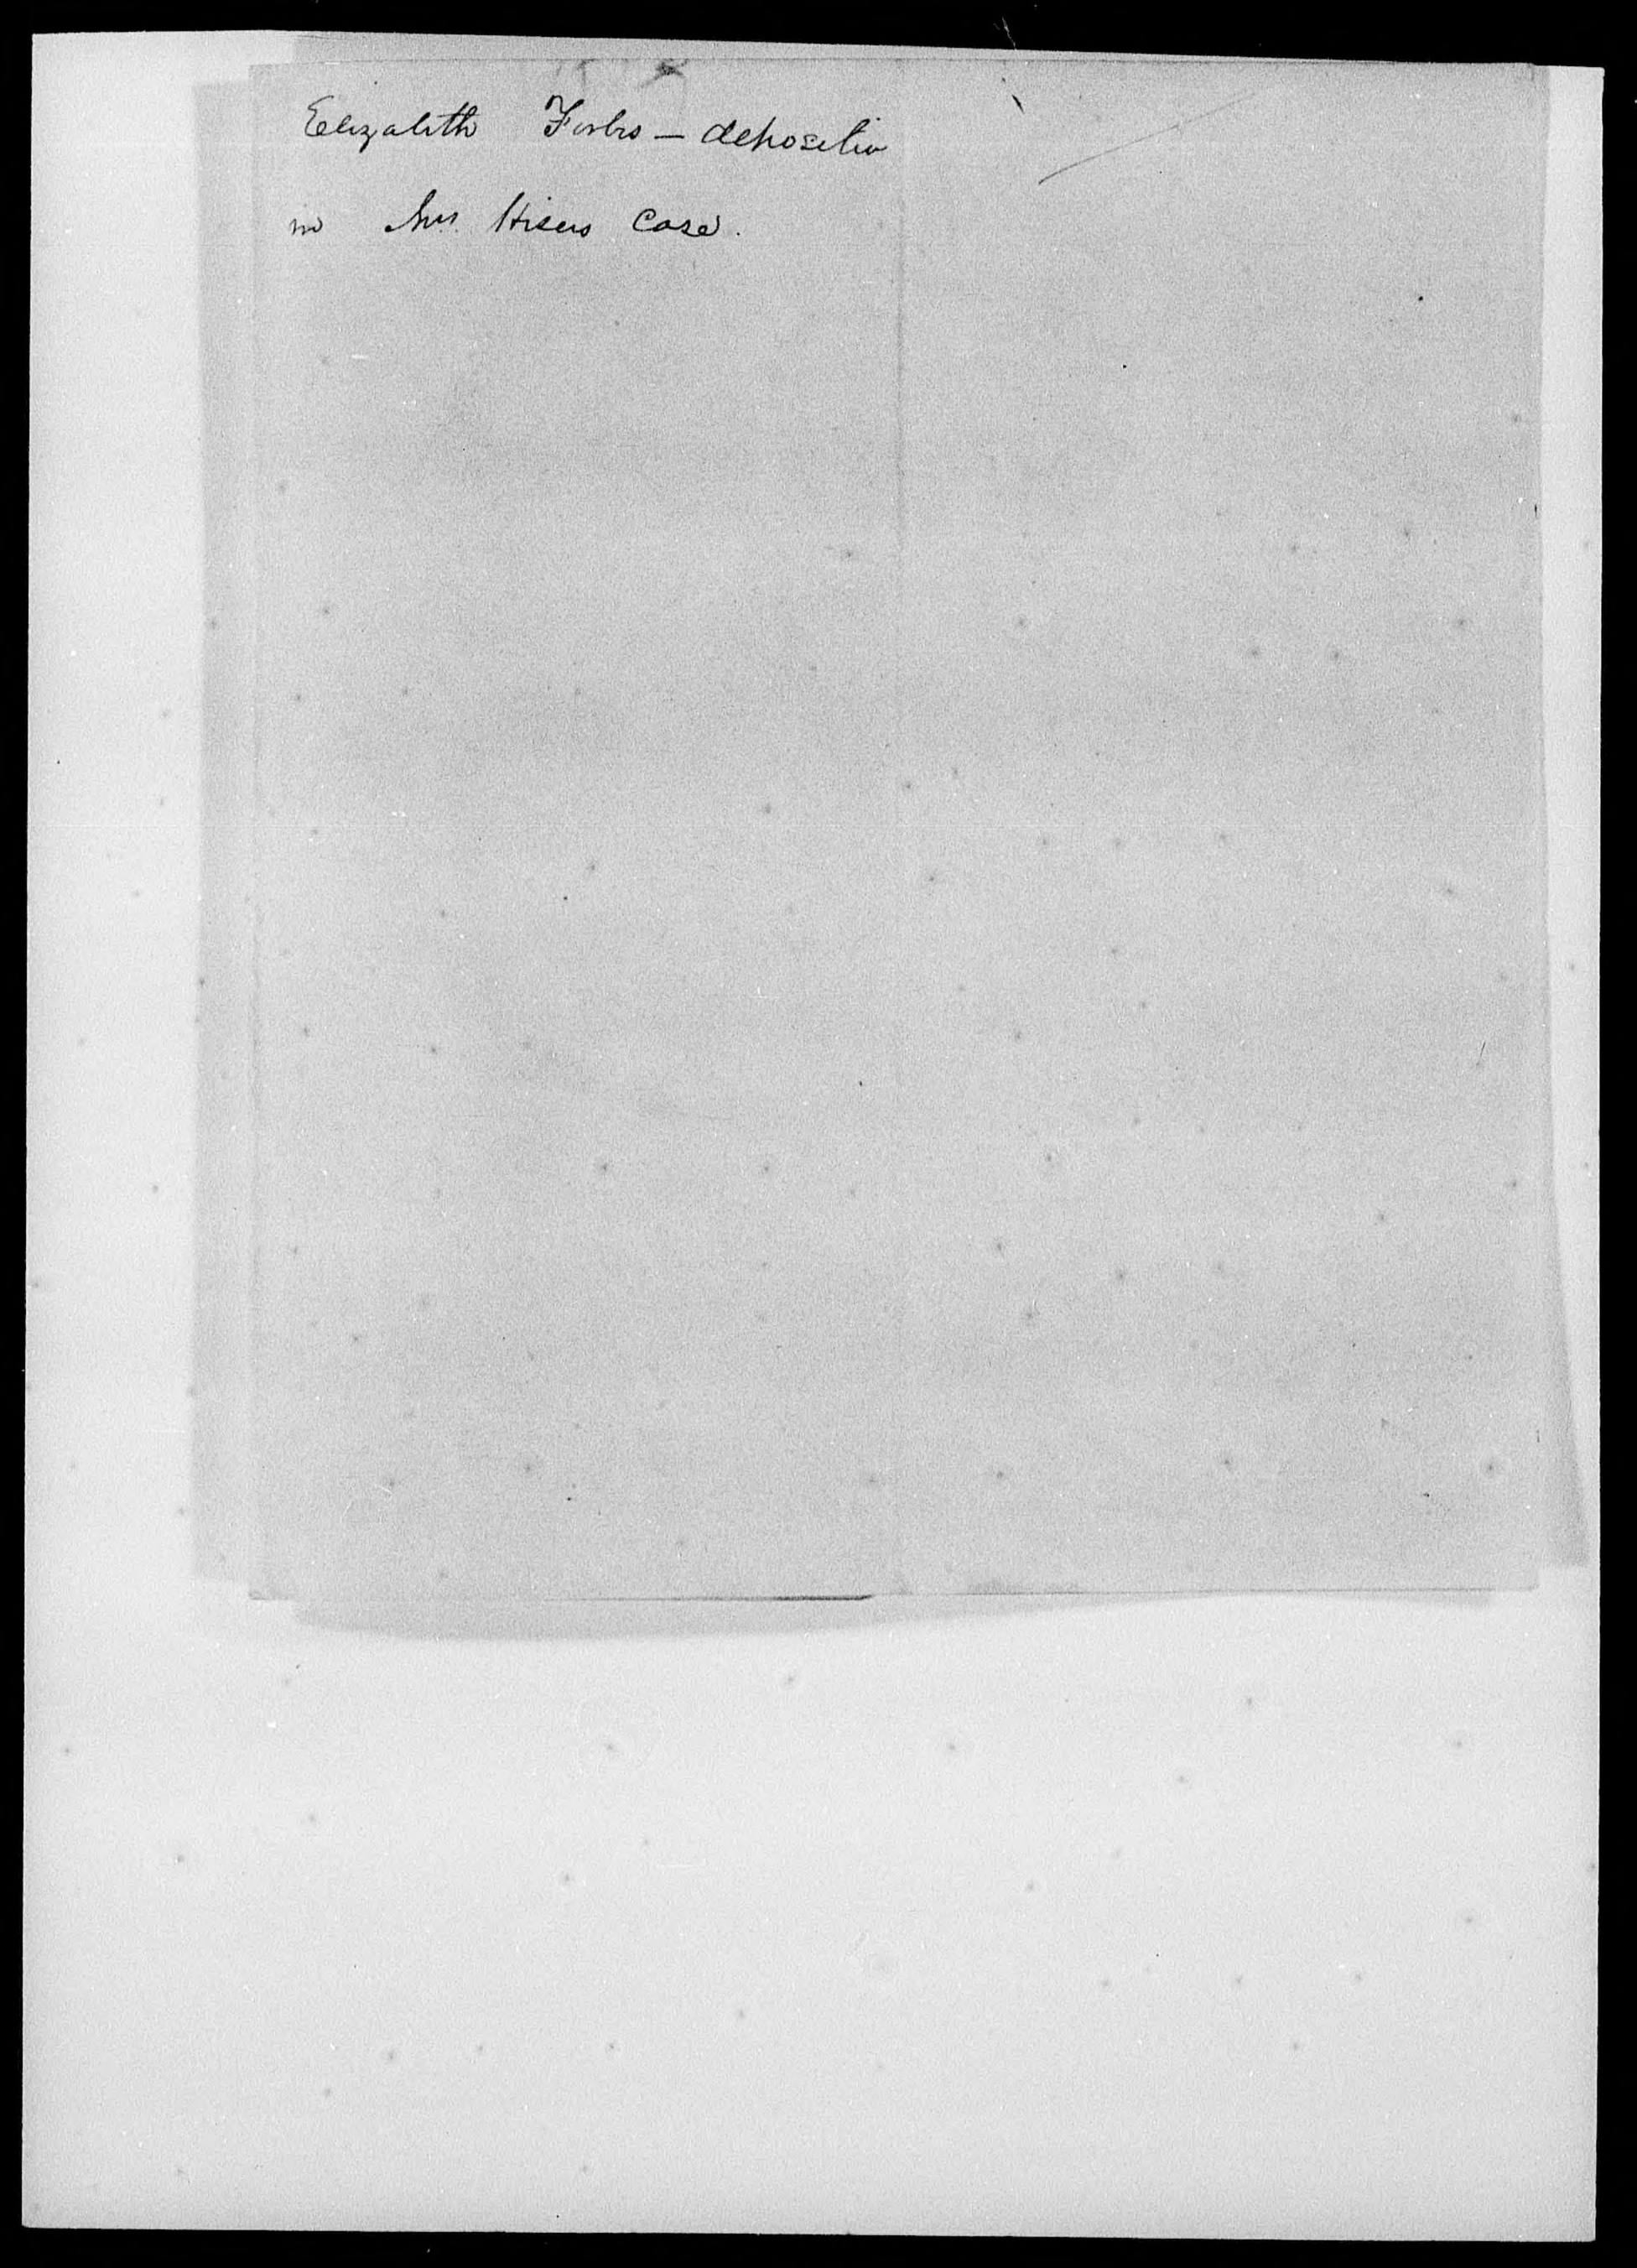Elizabeth Forbes - deposition
in Jhn. Hiser case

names: Elizabeth Forbis, Hiser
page: 30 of 58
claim: widow's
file: W. 8932, John Hiser, Penn.